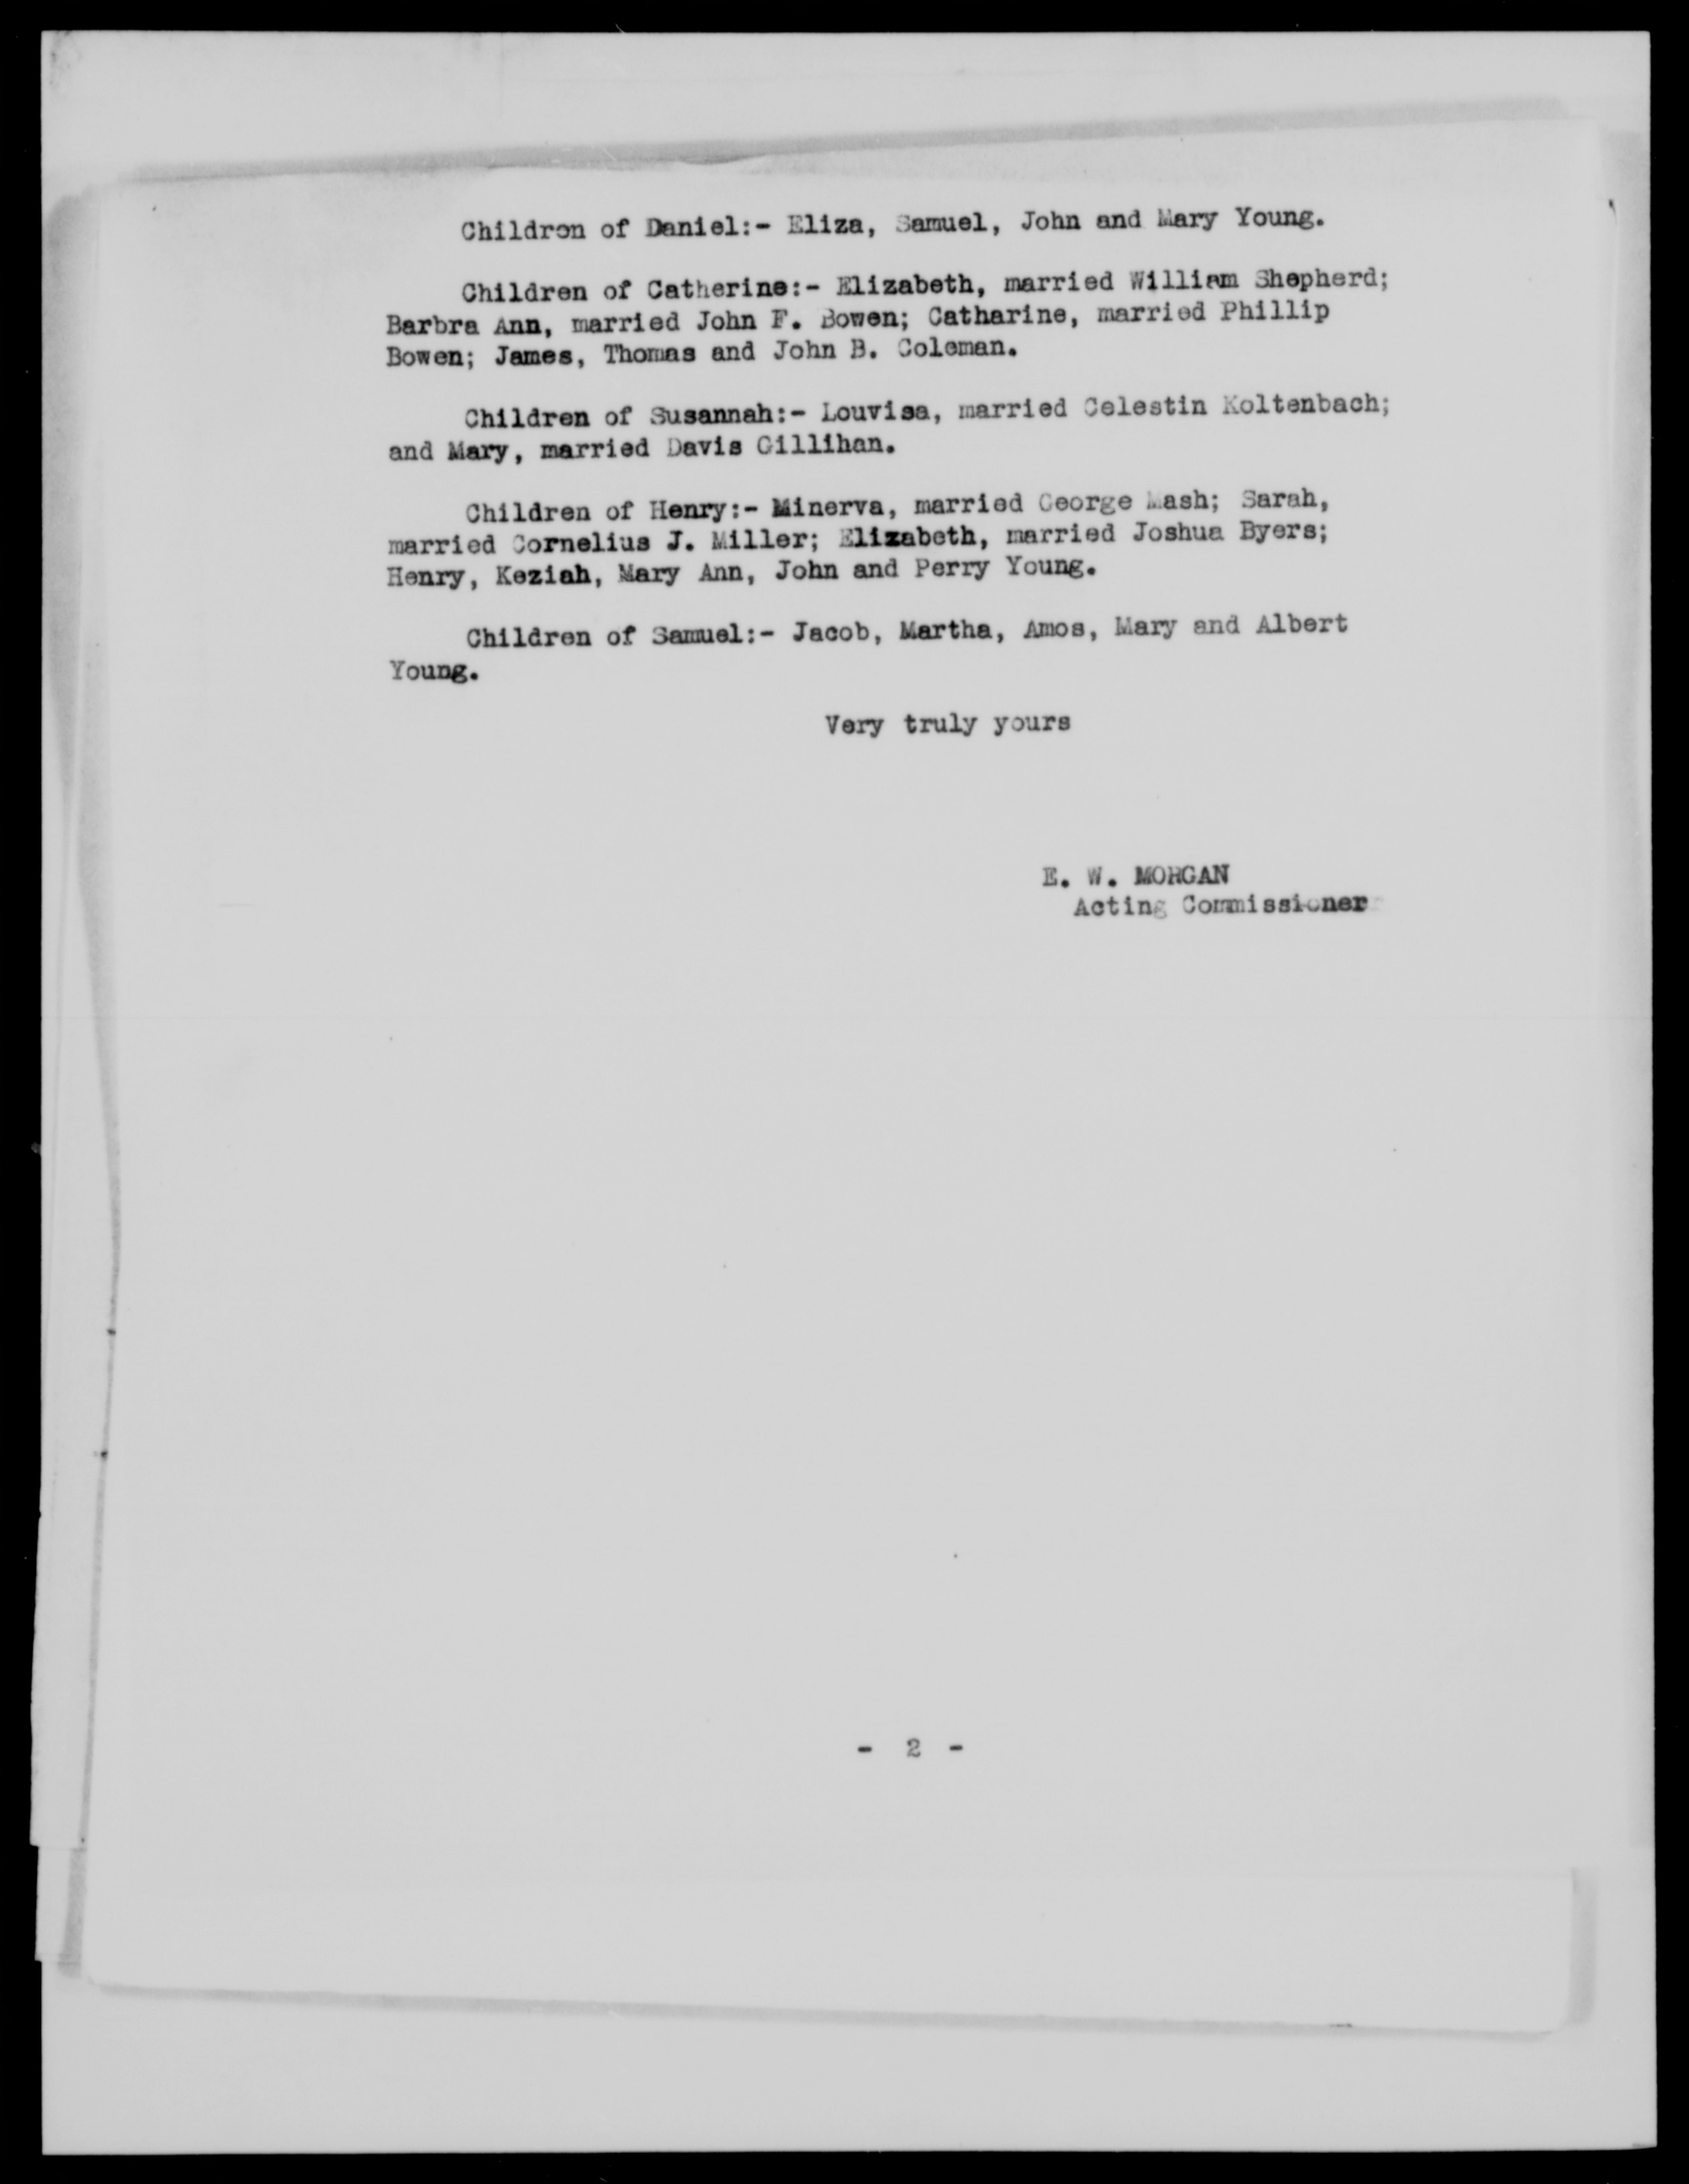2 -
Children of Daniel: - Elisa, Samuel, John and Mary Young.

Children of Catherine: - Elizabeth, married William Shepherd; Barbra Ann, married John F. Bowen, Catharine, married Phillip Bowen; James, Thomas and John B. Coleman.

Children of Susannah: - Louvisa, married Celestin Koltenbach; and Mary, married Davis Gillihan.

Children of Henry: -- Minerva, married George Mash; Sarah, married Cornelius J. Miller; Elizabeth, married Joshua Byers; Henry, Keziah, Mary Ann, John and Perry Young.

Children of Samuel: Jacob, Martha, Amos, Mary and Albert Young.

Very truly yours

E. W. MORGAN
Acting Commissioner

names: William Shepherd, James, Celestin Koltenbach, Sarah, Daniel, Thomas, George Mash, Amos, Perry Young, Susannah, Davis Gillihan, John B Coleman, Mary Young, Joshua Byers, Keziah, John F Bowen, Henry, Minerva, Mary Ann, Martha, Cornelius J Miller, Eliza, E W Morgan, Samuel, Catherine, Phillip Bowen, John, Elizabeth, Barbra Ann, Louvisa, Albert Young, Jacob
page: 48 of 123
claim: rejected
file: R. 11,949, Matthias Young, Md.